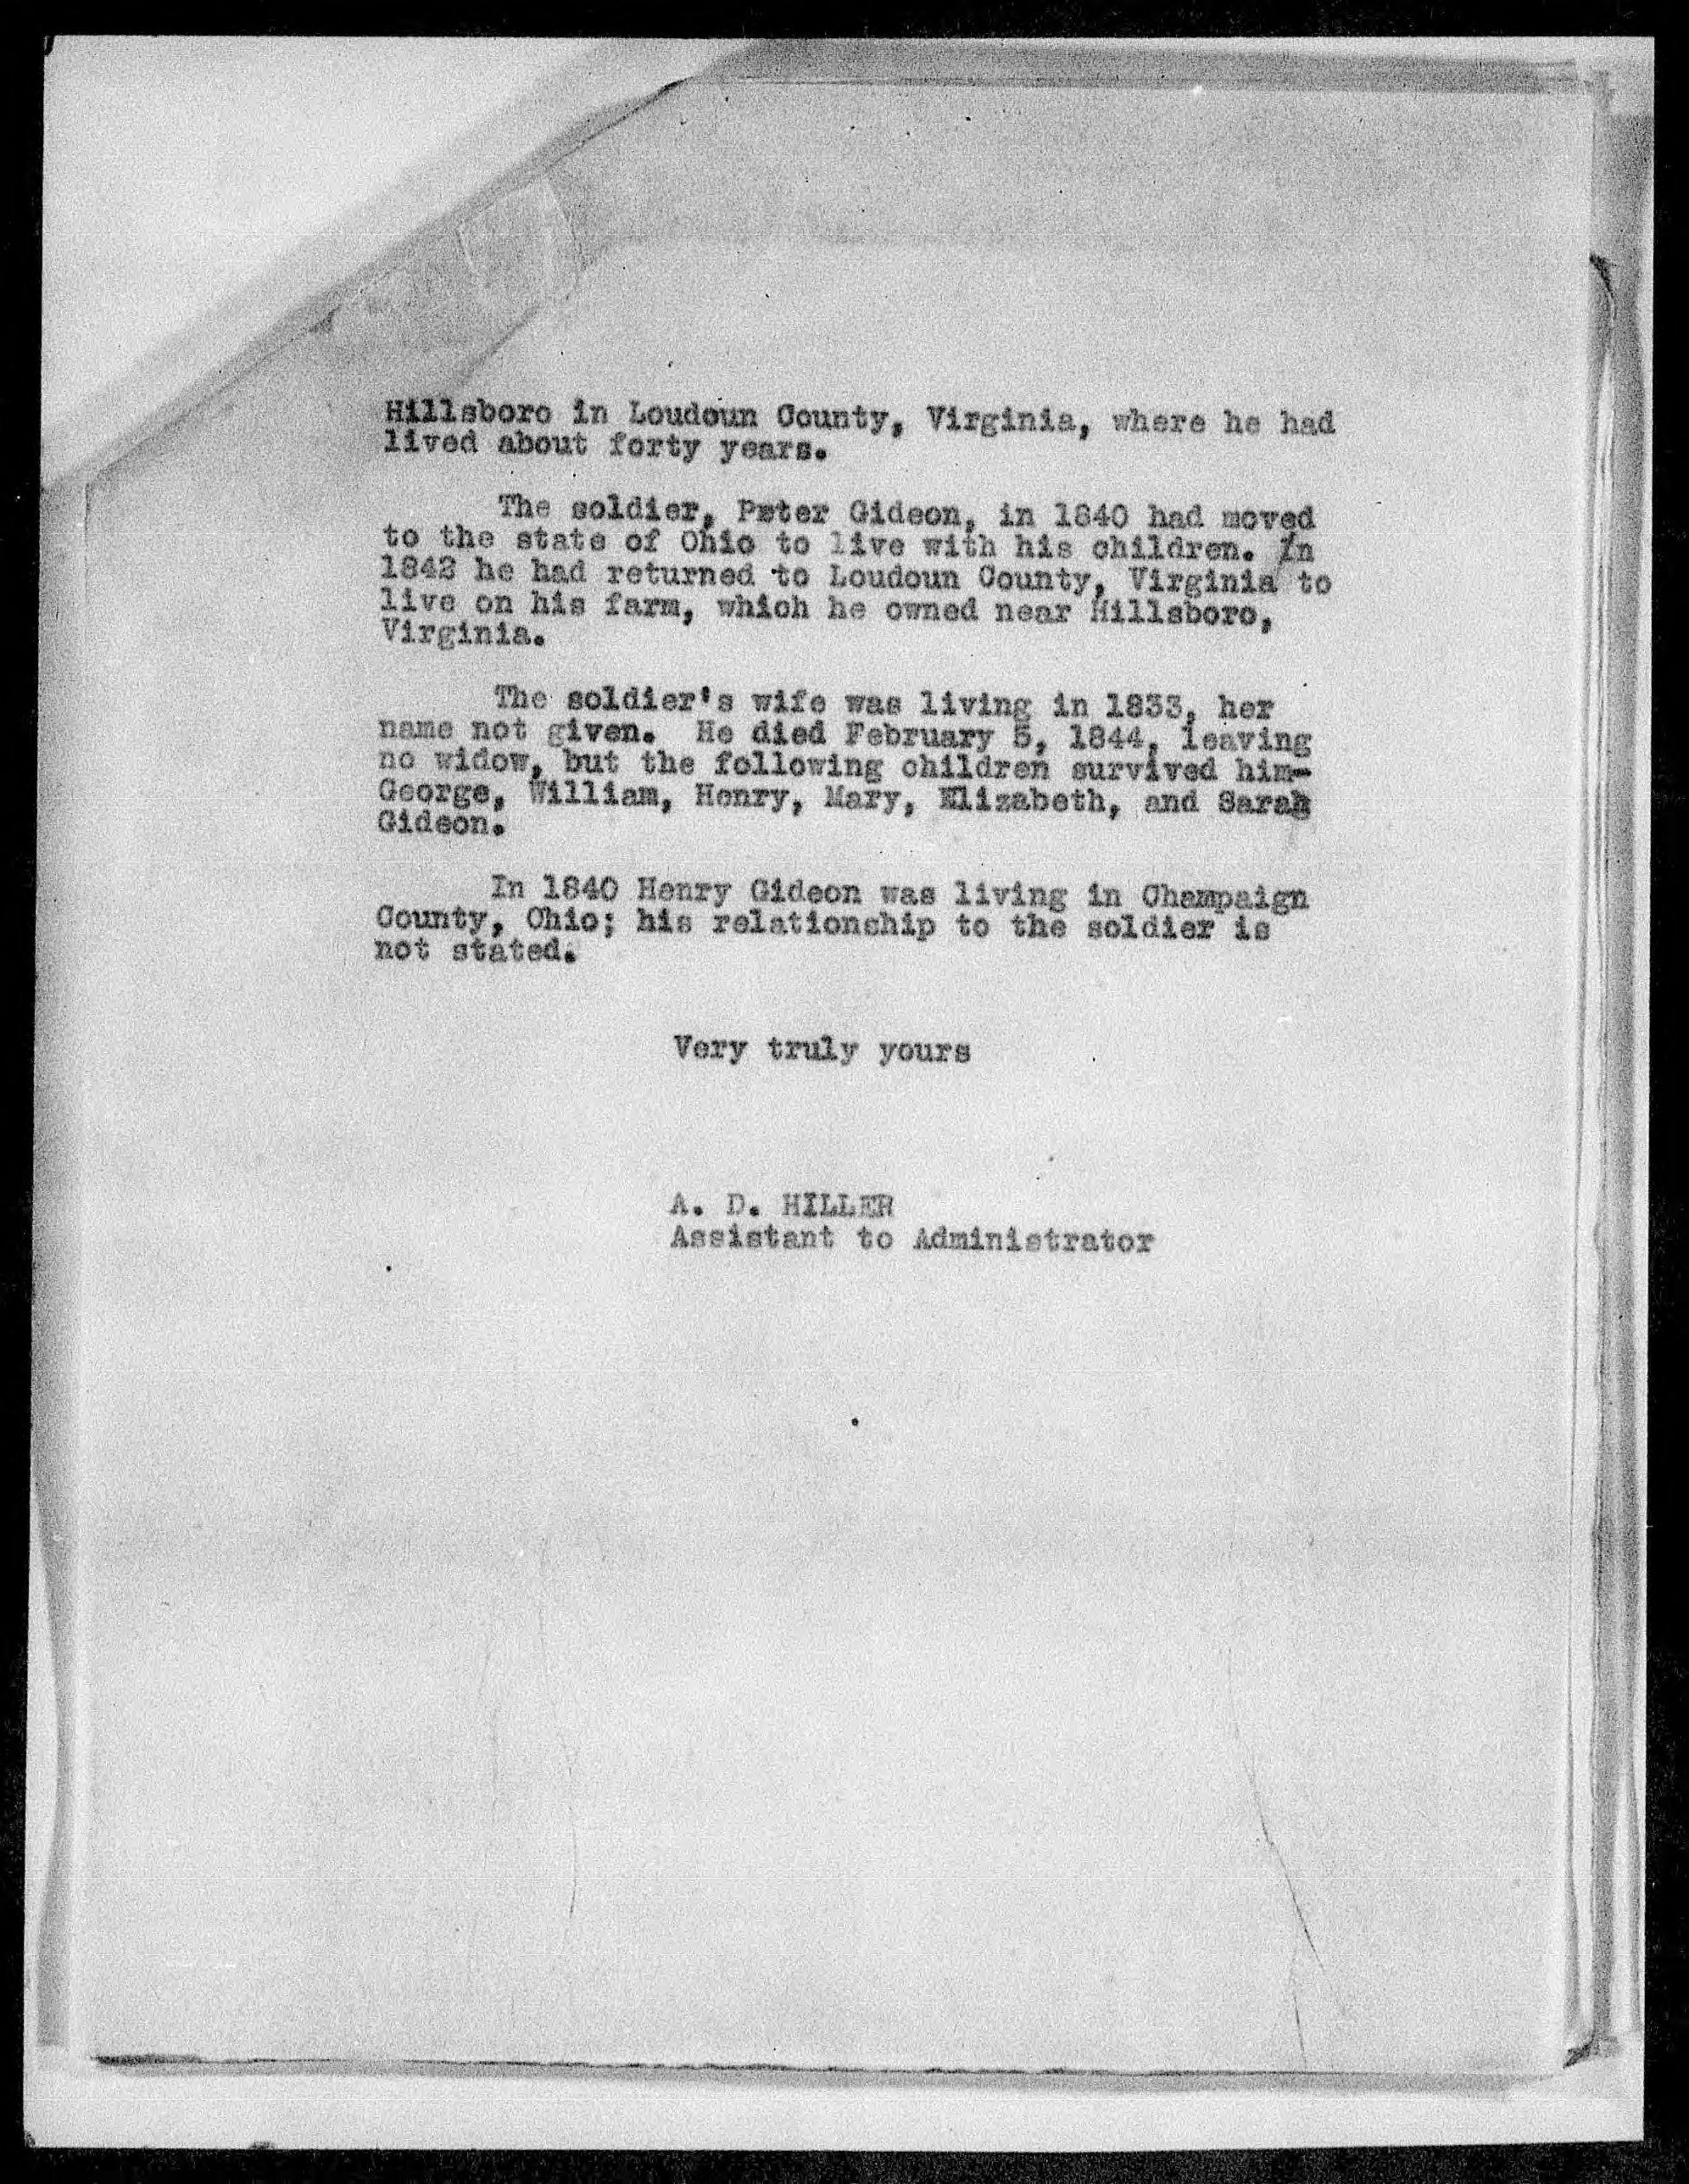Hillsboro in Loudoun County, Virginia, where he had lived about forty years.

The soldier, Peter Gideon, in 1840 had moved to
the state of Ohio to live with his children in
1842 he had returned to Loudoun County, Virginia to live on his farm, which he owned near Hillsboro, Virginia.
The soldier's wife was living in 1833, her
name not given. He died February 5, 1844, leaving no widow, but the following children
survived him- George, William, Henry, Mary, Elizabeth, and Sarah Gideon.
In 1840 Henry Gideon was living in Champaign
County, Ohio; his relationship to the soldier is
not stated.
Very truly yours
A. D. HILLER
Assistant to Administrator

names: Peter Gideon, George Gideon, William Gideon, Elizabeth Gideon, Henry Gideon, Henry Gideon, Mary Gideon, Sarah Gideon, A D Hiller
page: 59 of 64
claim: survivor's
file: S. 6887, Peter Gideon, Md.